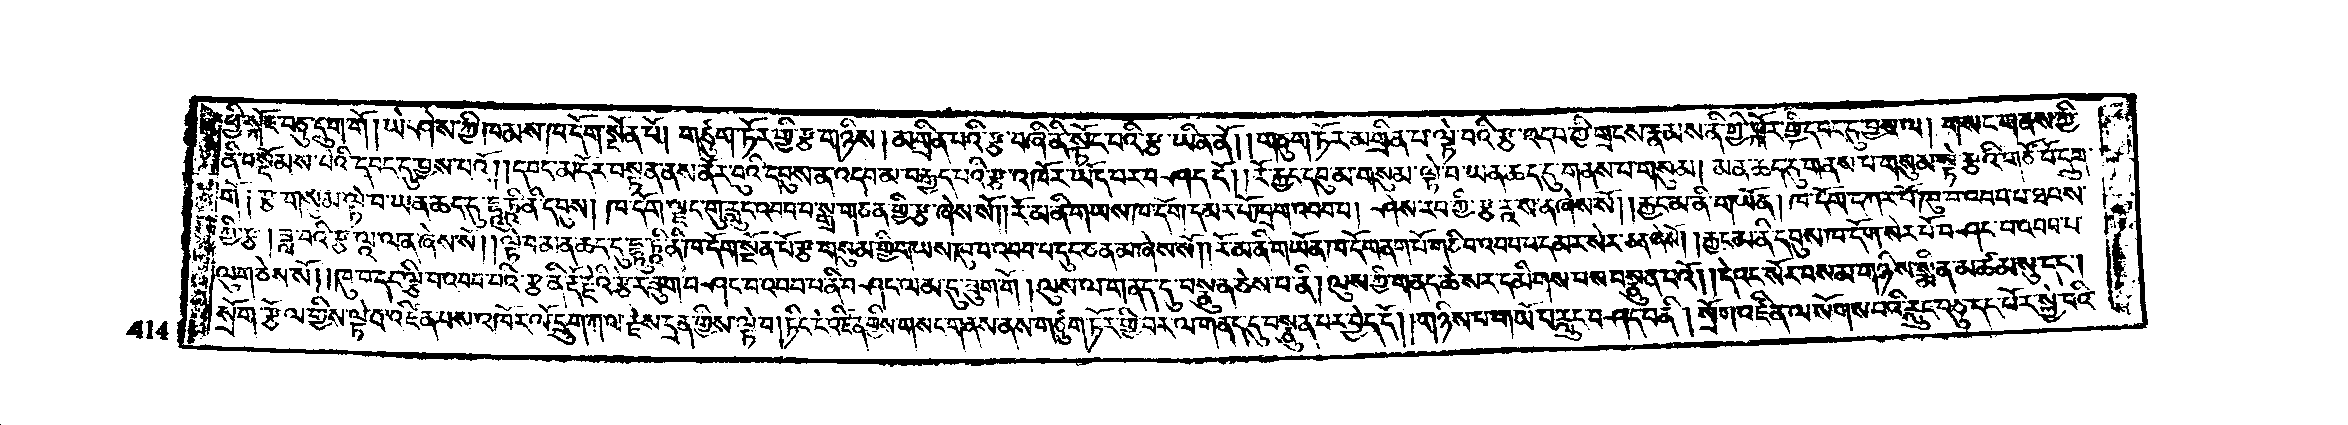ཕྱི་སྐོར་བཅུ་དྲུག་གོ །ཡེ་ཤེས་ཀྱི་ཁམས་ཁ་དོག་སྔོན་པོ། གཙུག་ཏོར་གྱི་རྩ་གཉིས། མགྲིན་པའི་རྩ་བཞི་ནི་སྟོང་པའི་རྩ་ཡིན་ནོ། །གཙུག་ཏོར་མགྲིན་པ་ལྟེ་བའི་རྩ་འདབ་ཀྱི་གྲངས་རྣམས་ནི་གྱི་སྐོར་གྱི་དབང་དུ་བྱས་ལ། གསང་གནས་ཀྱི་
ནི་བསྡོམས་པའི་དབང་དུ་བྱས་པའོ། །དབང་མདོར་བསྟན་ནས་ནོར་བུའི་དབུས་ན་འདབ་མ་བརྒྱད་པའི་རྩ་འཁོར་ཡོད་པར་བཤད་དོ། །རོ་རྐྱང་དབུ་མ་གསུམ་ལྟེ་བ་ཡན་ཆད་དུ་གནས་པ་གསུམ། མན་ཆད་དུ་གནས་པ་གསུམ་སྟེ་རྩའི་གཙོ་བོ་དྲུག་
གོ །རྩ་གསུམ་ལྟེ་བ་ཡན་ཆད་དུ་དྷཱུ་ཏཱི་ནི་དབུས། ཁ་དོག་ལྗང་གུ་རླུང་འབབ་པ་སྒྲ་གཅན་གྱི་རྩ་ཞེས་སོ། །རོ་མ་ནི་གཡས་ཁ་དོག་དམར་པོ་ཁྲག་འབབ་པ། ཤེས་རབ་ཀྱི་རྩ་རཱ་ས་ན་ཞེས་སོ། །རྐྱང་མ་ནི་གཡོན། ཁ་དོག་དཀར་པོ་ཁུ་བ་འབབ་པ་ཐབས་
ཀྱི་རྩ། ཟླ་བའི་རྩ་ལཱ་ལན་ཞེས་སོ། །ལྟེ་བ་མན་ཆད་དུ་དྷཱུ་ཏཱི་ནི་ཁ་དོག་སྔོན་པོ་རྩ་གསུམ་གྱི་གཡས་ཁུ་བ་འབབ་པ་དུང་ཅན་མ་ཞེས་སོ། །རོ་མ་ནི་གཡོན་ཁ་དོག་ནག་པོ་གཅི་བ་འབབ་པ་དམར་སེར་ཅན་ཞེས་སོ། །རྐྱང་མ་ནི་དབུས་ཁ་དོག་སེར་པོ་བཤང་བ་འབབ་པ་
ལུག་ཅེས་སོ། །ཁུ་བ་དང་ལྕི་བ་འབབ་པའི་རྩ་ནི་རྡོ་རྗེའི་རྩེར་ཟུག་བཤང་བ་འབབ་པ་ནི་བཤང་ལམ་དུ་ཟུག་གོ །ལུས་ལ་གནད་དུ་བསྣུན་ཅེས་པ་ནི། ལུས་ཀྱི་གནད་ཆེ་སར་དམིགས་པས་བསྣུན་པའོ། །དེའང་སོར་བསམ་གཉིས་སྨིན་མཚམས་སུ་དང་།
སྲོག་རྩོལ་གྱིས་ལྟེ་བ་འཛིན་པས་འཁོར་ལོ་དྲུག་ཀ་ལ་རྗེས་དྲན་གྱིས་ལྟེ་བ། ཏིང་ངེ་འཛིན་གྱིས་གསང་གནས་ནས་གཙུག་ཏོར་གྱི་བར་ལ་གནད་དུ་བསྣུན་པར་བྱེད་དོ། །གཉིས་པ་གཡོ་བ་རླུང་བཤད་པ་ནི། སྲོག་འཛིན་ལ་སོགས་པའི་རླུང་བཅུ་དང་པོར་སྐྱེ་བའི་